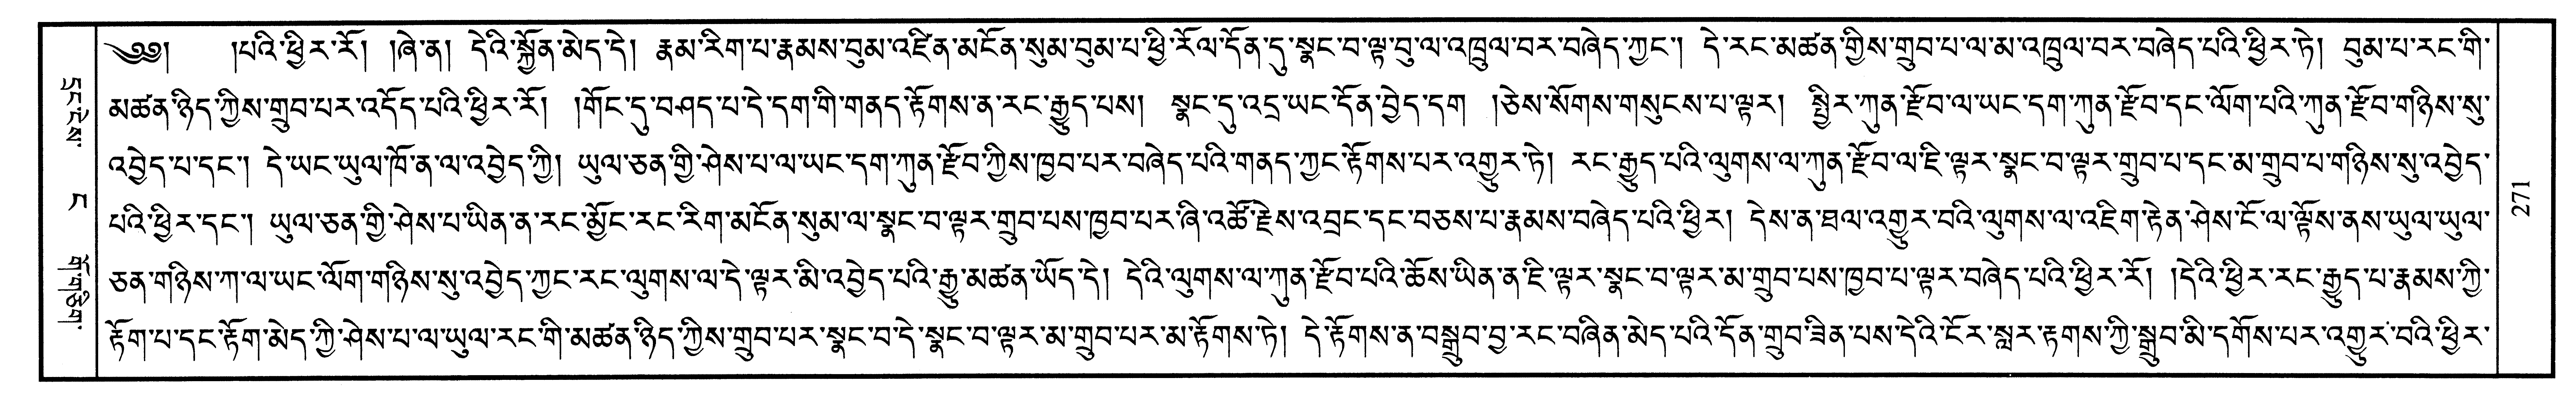༄༅། །པའི་ཕྱིར་རོ། །ཞེ་ན། དེའི་སྐྱོན་མེད་དེ། རྣམ་རིག་པ་རྣམས་བུམ་འཛིན་མངོན་སུམ་བུམ་པ་ཕྱི་རོལ་དོན་དུ་སྣང་བ་ལྟ་བུ་ལ་འཁྲུལ་བར་བཞེད་ཀྱང་། དེ་རང་མཚན་གྱིས་གྲུབ་པ་ལ་མ་འཁྲུལ་བར་བཞེད་པའི་ཕྱིར་ཏེ། བུམ་པ་རང་གི་
མཚན་ཉིད་ཀྱིས་གྲུབ་པར་འདོད་པའི་ཕྱིར་རོ། །གོང་དུ་བཤད་པ་དེ་དག་གི་གནད་རྟོགས་ན་རང་རྒྱུད་པས། སྣང་དུ་འདྲ་ཡང་དོན་བྱེད་དག །ཅེས་སོགས་གསུངས་པ་ལྟར། སྤྱིར་ཀུན་རྫོབ་ལ་ཡང་དག་ཀུན་རྫོབ་དང་ལོག་པའི་ཀུན་རྫོབ་གཉིས་སུ་
འབྱེད་པ་དང་། དེ་ཡང་ཡུལ་ཁོ་ན་ལ་འབྱེད་ཀྱི། ཡུལ་ཅན་གྱི་ཤེས་པ་ལ་ཡང་དག་ཀུན་རྫོབ་ཀྱིས་ཁྱབ་པར་བཞེད་པའི་གནད་ཀྱང་རྟོགས་པར་འགྱུར་ཏེ། རང་རྒྱུད་པའི་ལུགས་ལ་ཀུན་རྫོབ་ལ་ཇི་ལྟར་སྣང་བ་ལྟར་གྲུབ་པ་དང་མ་གྲུབ་པ་གཉིས་སུ་འབྱེད་
པའི་ཕྱིར་དང་། ཡུལ་ཅན་གྱི་ཤེས་པ་ཡིན་ན་རང་མྱོང་རང་རིག་མངོན་སུམ་ལ་སྣང་བ་ལྟར་གྲུབ་པས་ཁྱབ་པར་ཞི་འཚོ་རྗེས་འབྲང་དང་བཅས་པ་རྣམས་བཞེད་པའི་ཕྱིར། དེས་ན་ཐལ་འགྱུར་བའི་ལུགས་ལ་འཇིག་རྟེན་ཤེས་ངོ་ལ་ལྟོས་ནས་ཡུལ་ཡུལ་
ཅན་གཉིས་ཀ་ལ་ཡང་ལོག་གཉིས་སུ་འབྱེད་ཀྱང་རང་ལུགས་ལ་དེ་ལྟར་མི་འབྱེད་པའི་རྒྱུ་མཚན་ཡོད་དེ། དེའི་ལུགས་ལ་ཀུན་རྫོབ་པའི་ཆོས་ཡིན་ན་ཇི་ལྟར་སྣང་བ་ལྟར་མ་གྲུབ་པས་ཁྱབ་པ་ལྟར་བཞེད་པའི་ཕྱིར་རོ། །དེའི་ཕྱིར་རང་རྒྱུད་པ་རྣམས་ཀྱི་
རྟོག་པ་དང་རྟོག་མེད་ཀྱི་ཤེས་པ་ལ་ཡུལ་རང་གི་མཚན་ཉིད་ཀྱིས་གྲུབ་པར་སྣང་བ་དེ་སྣང་བ་ལྟར་མ་གྲུབ་པར་མ་རྟོགས་ཏེ། དེ་རྟོགས་ན་བསྒྲུབ་བྱ་རང་བཞིན་མེད་པའི་དོན་གྲུབ་ཟིན་པས་དེའི་ངོར་སླར་རྟགས་ཀྱི་སྒྲུབ་མི་དགོས་པར་འགྱུར་བའི་ཕྱིར་